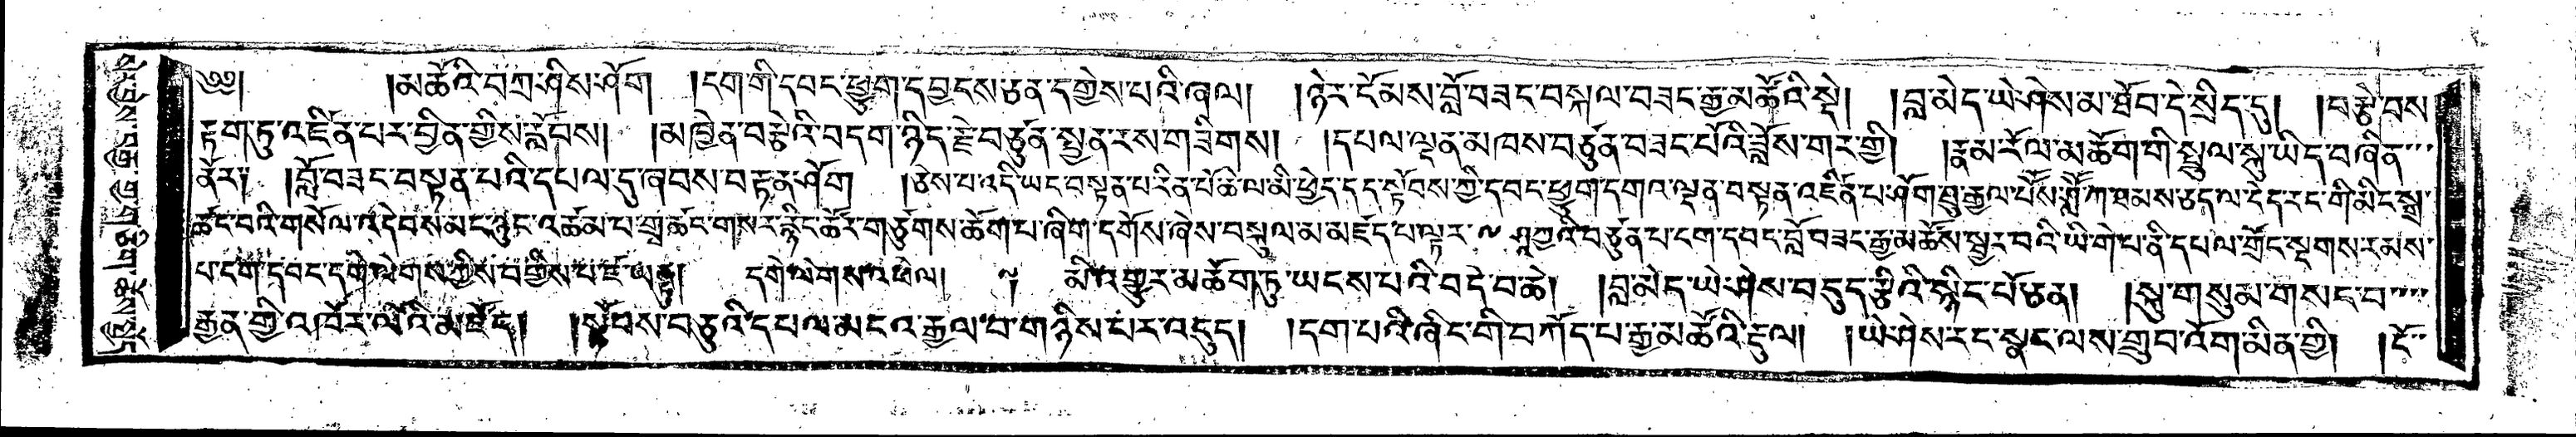༄༅། །མཚོའི་བཀྲ་ཤིས་ཤོག །ངག་གི་དབང་ཕྱུག་དབྱངས་ཅན་དགྱེས་པའི་ཞལ། །ཉེར་ངོམས་བློ་བཟང་བསྐལ་བཟང་རྒྱ་མཚོའི་སྡེ། །བླ་མེད་ཡེ་ཤེས་མ་ཐོབ་དེ་སྲིད་དུ། །བརྩེ་བས་
རྟག་ཏུ་འཛིན་པར་བྱིན་གྱིས་རློབས། །མཁྱེན་བརྩེའི་བདག་ཉིད་རྗེ་བཙུན་སྤྱན་རས་གཟིགས། །དཔལ་ལྡན་མཁས་བཙུན་བཟང་པོའི་ཟློས་གར་གྱི། །རྣམ་རོལ་མཆོག་གི་སྤྲུལ་སྐུ་ཡིད་བཞིན་
ནོར༑ །བློ་བཟང་བསྟན་པའི་དཔལ་དུ་ཞབས་བརྟན་ཤོག །ཅེས་པ་འདི་ཡང་བསྟན་པ་རིན་པོ་ཆེ་ལ་མི་ཕྱེད་དད་སྟོབས་ཀྱི་དབང་ཕྱུག་དགའ་ལྡན་བསྟན་འཛིན་པ་ཤོག་ཐུ་རྒྱལ་པོས་ཤླཽ་ཀ་ཐམས་ཅད་ལ་དེད་རང་གི་མིང་སྒྲ་
ཚང་བའི་གསོལ་འདེབས་མང་ཉུང་འཚམ་པ་གྲྭ་ཚང་གསར་རྙིང་ཚོར་གཙུགས་ཆོག་པ་ཞིག་དགོས་ཞེས་བསྐུལ་མ་མཛད་པ་ལྟར་༧་ཤཱཀྱའི་བཙུན་པ་ངག་དབང་བློ་བཟང་རྒྱ་མཚོས་སྦྱར་བའི་ཡི་གེ་པ་ནི་དཔལ་གྲོང་སྔགས་རམས་
པ་ངག་དབང་དགེ་ལེགས་ཀྱིས་བགྱིས་པ་ཛ་ཡནྟུ། དགེ་ལེགས་འཕེལ། ༈ མི་འགྱུར་མཆོག་ཏུ་ཡངས་པའི་བདེ་བ་ཆེ། །བླ་མེད་ཡེ་ཤེས་བདུད་རྩིའི་སྙིང་པོ་ཅན། །སྐུ་གསུམ་གསང་བ་
རྒྱན་གྱི་འཁོར་ལོའི་མཛོད། །སྟོབས་བཅུའི་དཔལ་མངའ་རྒྱལ་བ་གཉིས་པར་འདུད། །དག་པའི་ཞིང་གི་བཀོད་པ་རྒྱ་མཚོའི་རྡུལ། །ཡེ་ཤེས་རང་སྣང་ལས་གྲུབ་འོག་མིན་གྱི། །ངོ་